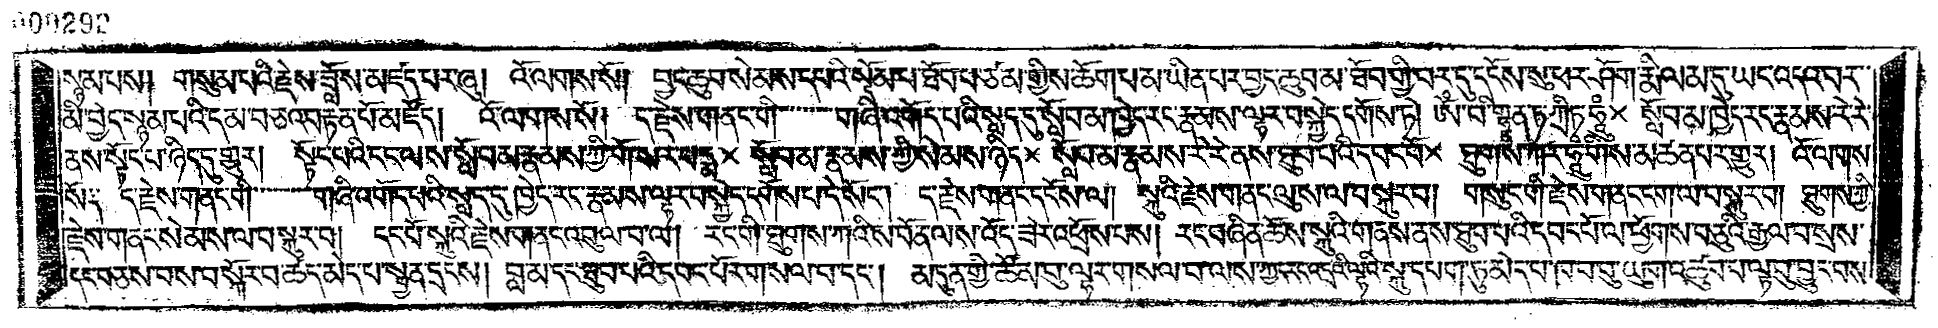སྙམ་པས། གསུམ་པའི་རྗེས་ཟློས་མཛད་པར་ཞུ། འོ་ལགས་སོ། བྱང་ཆུབ་སེམས་དཔའི་སྡོམ་པ་ཐོབ་པ་ཙམ་གྱིས་ཆོག་པ་མ་ཡིན་པར་བྱང་ཆུབ་མ་ཐོབ་ཀྱི་བར་དུ་དངོས་སུ་ཕར་ཤོག་རྨི་ལམ་དུ་ཡང་འདའ་བར་
མི་བྱེད་སྙམ་པའི་དམ་བཅའ་བརྟན་པོ་མཛོད། འོ་ལགས་སོ། ད་རྗེས་གནང་གི་གཞི་འགོད་པའི་སླད་དུ་སློབ་མ་ཁྱེད་རང་རྣམས་ལྷར་བསྐྱེད་དགོས་ཏེ། ཨོཾ་བི་གྷྣན་ཏ་ཀྲིཏ་ཧཱུཾ྾་སློབ་མ་ཁྱེད་རང་རྣམས་རེ་རེ་
ནས་སྟོང་པ་ཉིད་དུ་གྱུར། སྟོང་པའི་ངང་ལས་སློབ་མ་རྣམས་ཀྱི་གོ་སར་པདམ྾་སློབ་མ་རྣམས་ཀྱི་སེམས་ཉིད྾་སློབ་མ་རྣམས་རེ་རེ་ནས་ཐུབ་པའི་དབང་པོ྾་ཐུགས་ཀར་ཧཱུཾ་གིས་མཚན་པར་གྱུར། འོ་ལགས་
སོ༑ ད་རྗེས་གནང་གི་གཞི་འགོད་པའི་སླད་དུ་ཁྱེད་རང་རྣམས་ལྷར་བསྐྱེད་དགོས་པ་དེ་སོང་། ད་རྗེས་གནང་དངོས་ལ། སྐུའི་རྗེས་གནང་ལུས་ལ་བསྐུར་བ། གསུང་གི་རྗེས་གནང་ངག་ལ་བསྐུར་བ། ཐུགས་ཀྱི་
རྗེས་གནང་སེམས་ལ་བསྐུར་བ། དང་པོ་སྐུའི་རྗེས་གནང་འབུལ་བ་ལ། རང་གི་ཐུགས་ཀའི་ས་བོན་ལས་འོད་ཟེར་འཕྲོས་པས། རང་བཞིན་ཆོས་སྐུའི་གནས་ནས་ཐུབ་པའི་དབང་པོ་ལ་ཕྱོགས་བཅུའི་རྒྱལ་བ་སྲས་
དང་བཅས་བས་བསྐོར་བ་ཚད་མེད་པ་སྤྱན་དྲངས། བླ་མ་དང་ཐུབ་པའི་དབང་པོར་གསལ་བ་དང་། མདུན་གྱི་ཚོམ་བུ་ལྟར་གསལ་བ་ལས་ཀྱང་རང་འདྲའི་ལྷའི་སྐུ་དཔག་ཏུ་མེད་པ་ཁ་བ་བུ་ཡུག་འཚུབ་པ་ལྟ་བུ་བྱུང་བས་